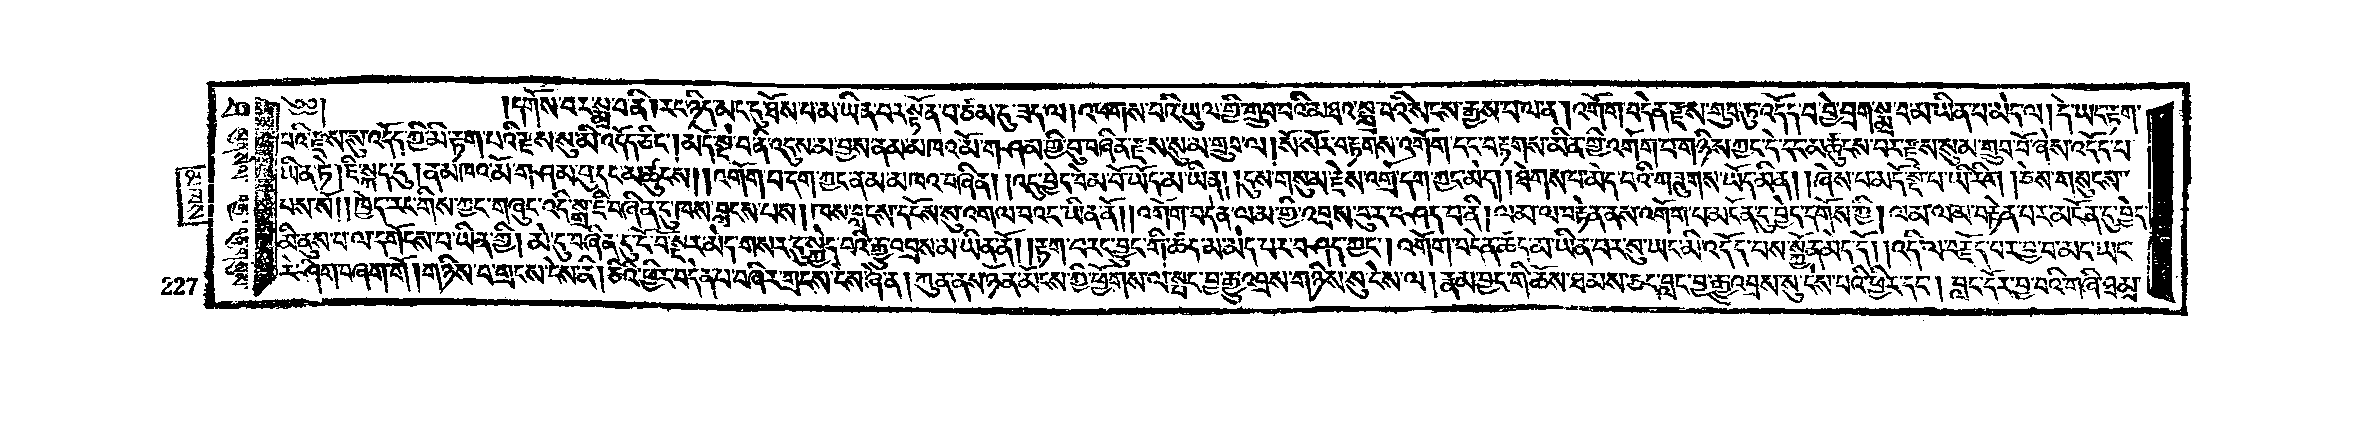༄༅། །དགོས་པར་སྨྲ་བ་ནི། རང་ཉིད་མང་དུ་ཐོས་པ་མ་ཡིན་པར་སྟོན་པ་ཙམ་དུ་ཟད་ལ། འཕགས་པའི་ཡུལ་གྱི་གྲུབ་པའི་མཐའ་སྨྲ་བའི་སངས་རྒྱས་པ་ལ་ན། འགོག་བདེན་རྫས་གྲུབ་ཏུ་འདོད་པ་བྱེ་བྲག་སྨྲ་བ་མ་ཡིན་པ་མེད་ལ། དེ་ཡང་རྟག་
པའི་རྫས་སུ་འདོད་ཀྱི་མི་རྟག་པའི་རྫས་སུ་མི་འདོད་ཅིང་། མདོ་སྡེ་པ་ནི་འདུས་མ་བྱས་ནམ་མཁའ་མོ་གཤམ་གྱི་བུ་བཞིན་རྫས་སུ་མ་གྲུབ་ལ། སོ་སོར་བརྟགས་འགོག་དང་བརྟགས་མིན་གྱི་འགོག་པ་གཉིས་ཀྱང་དེ་དང་མཚུངས་པར་རྫས་སུ་མ་གྲུབ་པོ་ཞེས་འདོད་པ་
ཡིན་ཏེ། ཇི་སྐད་དུ། ནམ་མཁའ་མོ་གཤམ་བུ་དང་མཚུངས། །འགོག་པ་དག་ཀྱང་ནམ་མཁའ་བཞིན། །འདུ་བྱེད་བེམ་པོ་ཡོད་མ་ཡིན། །དུས་གསུམ་རྗེས་འགྲོ་དག་ཀྱང་མེད། །ཐེགས་པ་མེད་པའི་གཟུགས་ཡོད་མིན། །ཞེས་པ་མདོ་སྡེ་པ་ཡི་རིག །ཅེས་གསུངས་
པས་སོ། །ཁྱེད་རང་གིས་ཀྱང་གཞུང་འདི་སྒྲ་ཇི་བཞིན་དུ་ཁས་བླངས་པས། ཁས་བླངས་དངོས་སུ་འགལ་བའང་ཡིན་ནོ། །འགོག་བདན་ལམ་གྱི་འབྲས་བུར་བཤད་པ་ནི། ལམ་ལ་བརྟེན་ནས་འགོག་པ་མངོན་དུ་བྱེད་དགོས་ཀྱི། ལམ་ལ་མ་བརྟེན་པར་མངོན་དུ་བྱེད་
མི་ནུས་པ་ལ་དགོངས་པ་ཡིན་གྱི། མེ་དུ་བཞིན་དུ་ངོ་བོ་སྔར་མེད་གསར་དུ་སྐྱེད་པའི་རྒྱུ་འབྲས་མ་ཡིན་ནོ། །རྟག་པ་རང་བྱུང་གི་ཚད་མ་མེད་པར་བཤད་ཀྱང་། འགོག་བདེན་ཚད་མ་ཡིན་པར་སུ་ཡང་མི་འདོད་པས་སྐྱོན་མེད་དོ། །འདི་ལ་བརྗོད་པར་བྱ་བ་མང་ཡང་
རེ་ཤིག་བཞག་གོ །གཉིས་པ་གྲངས་ངེས་ནི། ཅིའི་ཕྱིར་བདེན་པ་བཞིར་གྲངས་ངེས་ཞེ་ན། ཀུན་ནས་ཉོན་མོངས་ཀྱི་ཕྱོགས་ལ་སྤང་བྱ་རྒྱུ་འབྲས་གཉིས་སུ་ངེས་ལ། རྣམ་བྱང་གི་ཆོས་ཐམས་ཅད་བླང་བྱ་རྒྱུ་འབྲས་སུ་དེས་པའི་ཕྱིར་དང་། བླང་དོར་བྱར་བའི་གཞི་ཐམས་